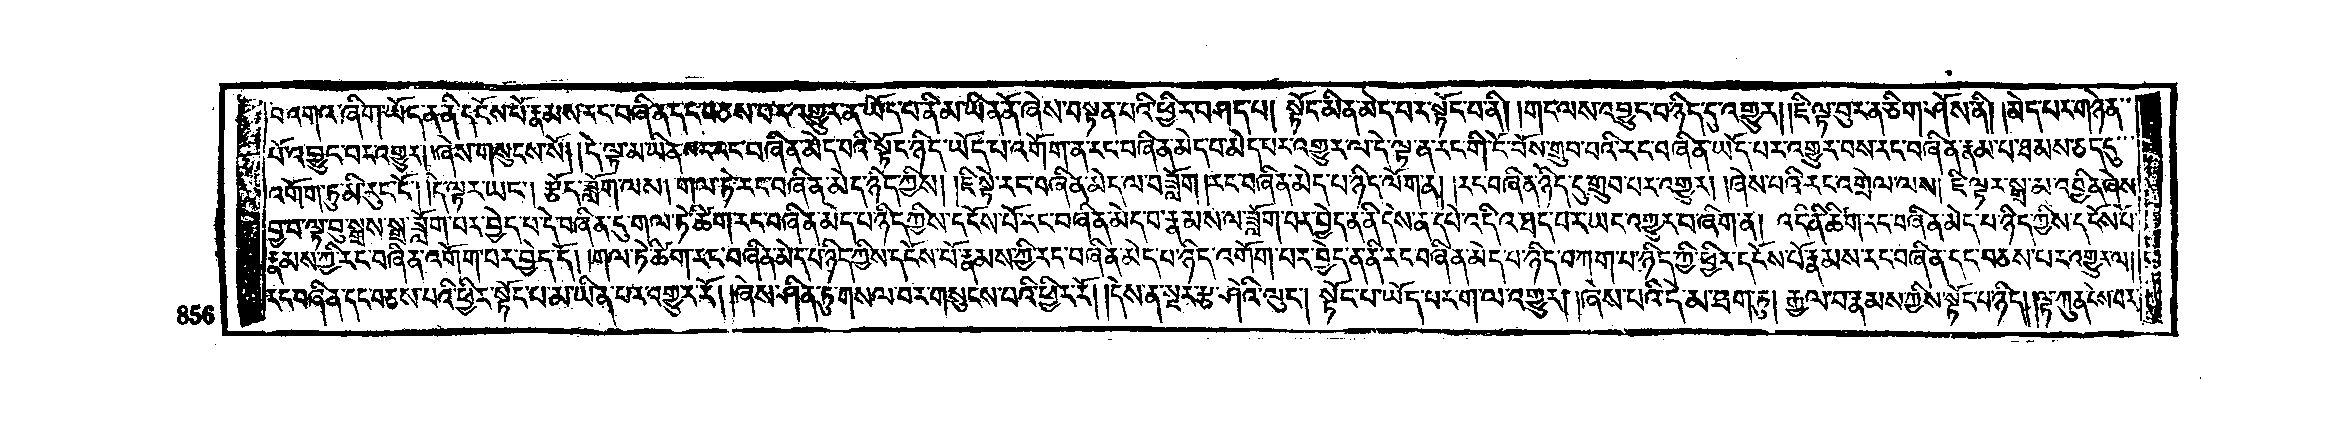པ་འགའ་ཞིག་ཡོད་ན་ནི་དངོས་པོ་རྣམས་རང་བཞིན་དང་བཅས་པར་འགྱུར་ན་ཡོད་པ་ནི་མ་ཡིན་ནོ་ཞེས་བསྟན་པའི་ཕྱིར་བཤད་པ། སྟོང་མིན་མེད་པར་སྟོང་པ་ནི། །གང་ལས་འབྱུང་བ་ཉིད་དུ་འགྱུར། །ཇི་ལྟ་བུར་ན་ཅིག་ཤོས་ནི། །མེད་པར་གཉེན་
པོ་འབྱུང་བར་འགྱུར། །ཞེས་གསུངས་སོ། །དེ་ལྟ་མ་ཡིན་པར་རང་བཞིན་མེད་པའི་སྟོང་ཉིད་ཡོད་པ་འགོག་ན་རང་བཞིན་མེད་པ་མེད་པར་འགྱུར་ལ་དེ་ལྟ་ན་རང་གི་ངོ་བོས་གྲུབ་པའི་རང་བཞིན་ཡོད་པར་འགྱུར་པས་རང་བཞིན་རྣམ་པ་ཐམས་ཅད་དུ་
འགོག་ཏུ་མི་རུང་ངོ། །དེ་ལྟར་ཡང་། རྩོད་ཟློག་ལས། གལ་ཏེ་རང་བཞིན་མེད་ཉིད་ཀྱིས། །ཇི་སྟེ་རང་བཞིན་མེད་ལ་བཟློག །རང་བཞིན་མེད་པ་ཉིད་ལོག་ན། །རང་བཞིན་ཉིད་དུ་གྲུབ་པར་འགྱུར། །ཞེས་པའི་རང་འགྲེལ་ལས། ཇི་ལྟར་སྒྲ་མ་འབྱིན་ཞེས་
བྱ་བ་ལྟ་བུ་སྒྲས་སྒྲ་ཟློག་པར་བྱེད་པ་དེ་བཞིན་དུ་གལ་ཏེ་ཚིག་རང་བཞིན་མེད་པ་ཉིད་ཀྱིས་དངོས་པོ་རང་བཞིན་མེད་པ་རྣམས་ལ་ཟློག་པར་བྱེད་ན་ནི་དེས་ན་དཔེ་འདི་འཐད་པར་ཡང་འགྱུར་བ་ཞིག་ན། འདི་ནི་ཚིག་རང་བཞིན་མེད་པ་ཉིད་ཀྱིས་དངོས་པོ་
རྣམས་ཀྱི་རང་བཞིན་འགོག་པར་བྱེད་དོ། །གལ་ཏེ་ཚིག་རང་བཞིན་མེད་པ་ཉིད་ཀྱིས་དངོས་པོ་རྣམས་ཀྱི་རང་བཞིན་མེད་པ་ཉིད་འགོག་པར་བྱེད་ན་ནི་རང་བཞིན་མེད་པ་ཉིད་བཀག་པ་ཉིད་ཀྱི་ཕྱིར་དངོས་པོ་རྣམས་རང་བཞིན་དང་བཅས་པར་འགྱུར་ལ།
རང་བཞིན་དང་བཅས་པའི་ཕྱིར་སྟོང་པ་མ་ཡིན་པར་འགྱུར་རོ། །ཞེས་ཤིན་ཏུ་གསལ་བར་གསུངས་པའི་ཕྱིར་རོ། །དེས་ན་སྔར་རྩ་ཤེའི་ལུང་། སྟོང་པ་ཡོད་པར་ག་ལ་འགྱུར། །ཞེས་པའི་དེ་མ་ཐག་ཏུ། རྒྱལ་བ་རྣམས་ཀྱིས་སྟོང་པ་ཉིད། །ལྟ་ཀུན་ངེས་པར་